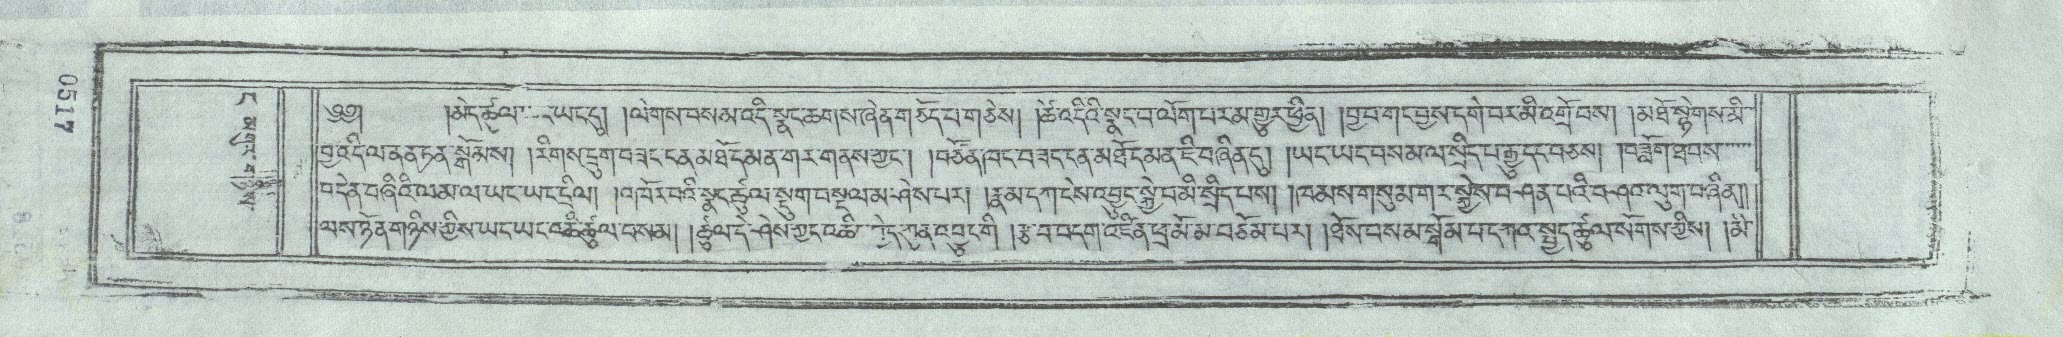༄༅། །མེད་ཚུལ་ཡང་ཡང་དུ། །ལེགས་བསམ་འདི་སྣང་ཆགས་ཞེན་གཅོད་པ་གཅེས། །ཚེ་འདིའི་སྣང་བ་ལོག་པར་མ་གྱུར་ཕྱིན། །བྱ་བ་གང་བྱས་དགེ་བར་མི་འགྲོ་བས། །མཐོ་སྙེགས་མི་
བྱ་འདི་ལ་ནན་ཏན་སྒོམས། །རིགས་དྲུག་བཟང་ངན་མཐོ་དམན་གར་གནས་ཀྱང་། །བཙོན་ཁང་བཟང་ངན་མཐོ་དམན་ཇི་བཞིན་དུ། །ཡང་ཡང་བསམ་ལ་སྲིད་པ་རྒྱུ་དང་བཅས། །བཟློག་ཐབས་
བདེན་བཞིའི་ལམ་ལ་ཡང་ཡང་དྲིལ། །འཁོར་བའི་སྣང་ཚུལ་སྡུག་བསྔལ་མ་ཤེས་པར། །རྣམ་དཀ་ངེས་འབྱུང་སྐྱེ་པ་མི་སྲིད་པས། །ཁམས་གསུམ་གར་སྐྱེས་བཤན་པའི་བཤའ་ལུག་བཞིན།
ལས་ཉོན་གཉིས་ཀྱིས་ཡང་ཡང་འཆི་ཚུལ་བསམ། །ཚུལ་དེ་ཤེས་ཀྱང་འཆིས་བྱེད་ཀུན་འབྱུང་གི །རྩ་བ་བདག་འཛིན་ཕྲ་མོ་མ་བཅོམ་པར། །ཐོས་བསམ་སྒོམ་པ་དཀའ་སྤྱད་ཚུལ་སོགས་ཀྱིས། །མི་